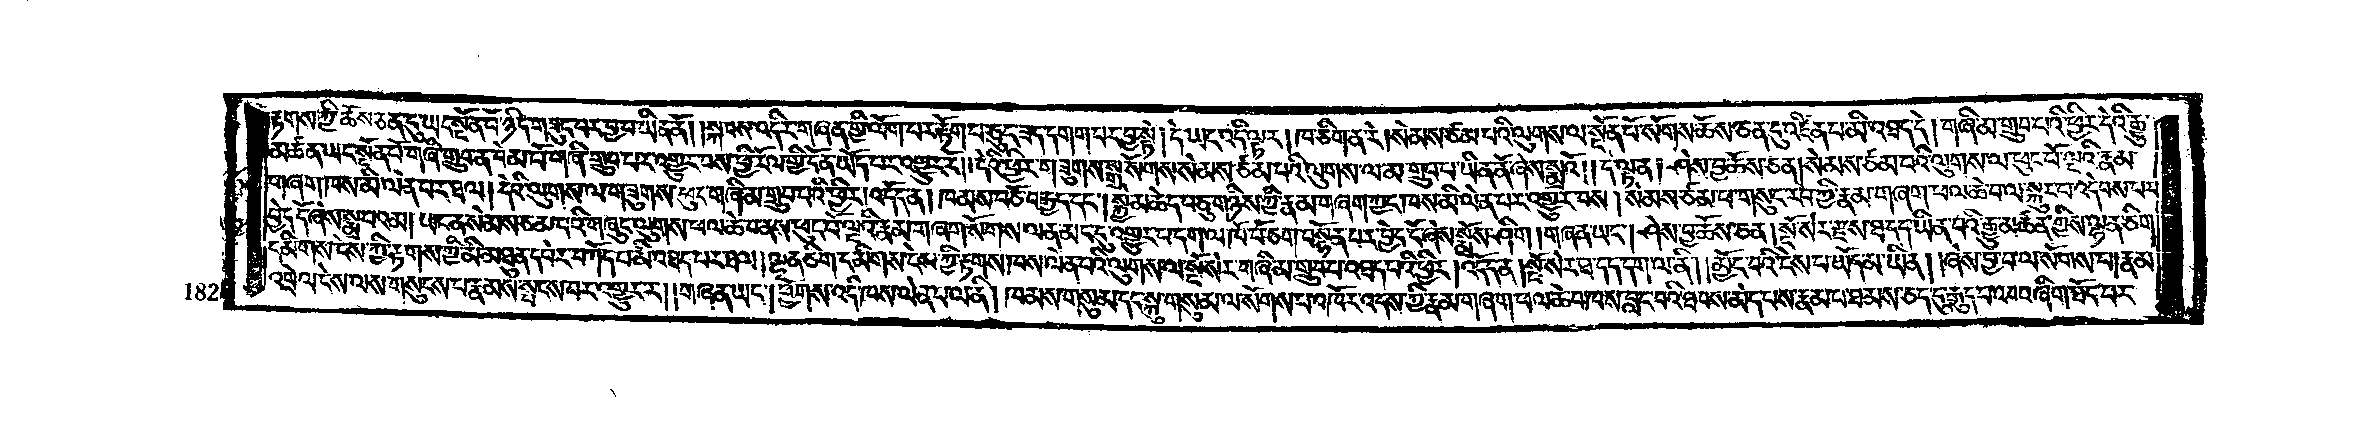རྟགས་ཀྱི་ཆོས་ཅན་དུ་ཡང་སྔོན་པོ་ཉིད་གཟུང་བར་བྱ་བ་ཡིན་ནོ། །སྐབས་འདིར་གཞན་གྱི་ལོག་པར་རྟོག་པ་ཅུང་ཟད་དགག་པར་བྱ་སྟེ། དེ་ཡང་འདི་ལྟར། ཁ་ཅིག་ན་རེ། སེམས་ཙམ་པའི་ལུགས་ལ་སྔོན་པོ་སོགས་ཆོས་ཅན་དུ་འཛིན་པ་མི་འཐད་དེ། གཞི་མ་གྲུབ་པའི་ཕྱིར་དེའི་རྒྱུ་
མཚན་ཡང་སྔོན་པོ་གཞི་གྲུབ་ན་བེམ་པོ་གཞི་གྲུབ་པར་འགྱུར་བས་ཕྱི་རོལ་གྱི་དོན་ཡོད་པར་འགྱུར་རོ། །དེའི་ཕྱིར་གཟུགས་སྒྲ་སོགས་སེམས་ཙམ་པའི་ལུགས་ལ་མ་གྲུབ་པ་ཡིན་ནོ་ཞེས་སྨྲའོ། །ད་ལྟ་ན། ཤེས་བྱ་ཆོས་ཅན། སེམས་ཙམ་པའི་ལུགས་ལ་ཕུང་པོ་ལྔའི་རྣམ་
གཞག་ཁས་མི་ལེན་པར་ཐལ། དེའི་ལུགས་ལ་གཟུགས་ཕུང་གཞི་མ་གྲུབ་པའི་ཕྱིར། འདོད་ན། ཁམས་བཅོ་བརྒྱད་དང་། སྐྱེ་མཆེད་བཅུ་གཉིས་ཀྱི་རྣམ་གཞག་ཀྱང་ཁས་མི་ལེན་པར་འགྱུར་བས། སེམས་ཙམ་པ་གསུང་རབ་ཀྱི་རྣམ་གཞག་ཕལ་ཆེ་བ་ལ་སྐུར་པ་འདེབས་པར་
བྱེད་དོ་ཞེས་སྨྲ་བའམ། ཡང་ན་སེམས་ཙམ་པའི་གཞུང་ལུགས་ཕལ་ཆེ་བ་ནས་ཕུང་པོ་ལྔའི་རྣམ་གཞག་སོགས་ལན་མང་དུ་འགྱུར་བ་དག་ལ་ཁོ་བོ་ཅག་བསྙོན་པར་བྱེད་དོ་ཞེས་སྨྲོས་ཤིག །གཞན་ཡང་། ཤེས་བྱ་ཆོས་ཅན། སྔོ་སེར་རྫས་ཐ་དད་ཡིན་པའི་རྒྱུ་མཚན་གྱིས་ལྷན་ཅིག་
དམིགས་ངེས་ཀྱི་རྟགས་ཀྱི་མི་མཐུན་དཔེར་བཀོད་པ་མི་འཐད་པར་ཐལ། ལྷན་ཅིག་དམིགས་ངེས་ཀྱི་རྟགས་ཁས་ལེན་པའི་ལུགས་ལ་སྔོ་སེར་གཞི་མ་གྲུབ་པ་འཐད་པའི་ཕྱིར། འདོད་ན། སྔོ་སེར་ཐ་དད་དག་ལ་ནི། །མྱོང་བའི་ངེས་པ་ཡོད་མ་ཡིན། །ཞེས་བྱ་བ་ལ་སོགས་པ། རྣམ་
འགྲེལ་ངེས་ལས་གསུངས་པ་རྣམས་སྤངས་བར་འགྱུར་རོ། །གཞན་ཡང་། ཕྱོགས་འདི་ཁས་ལེན་པ་ལ་ནི། ཁམས་གསུམ་དང་སྐུ་གསུམ་ལ་སོགས་པ་འཁོར་འདས་ཀྱི་རྣམ་གཞག་ཕལ་ཆེ་བ་ཁས་བླང་བའི་ཐབས་མེད་པས་རྣམ་པ་ཐམས་ཅད་དུ་རྒུད་པ་འབའ་ཞིག་ཐོབ་པར་